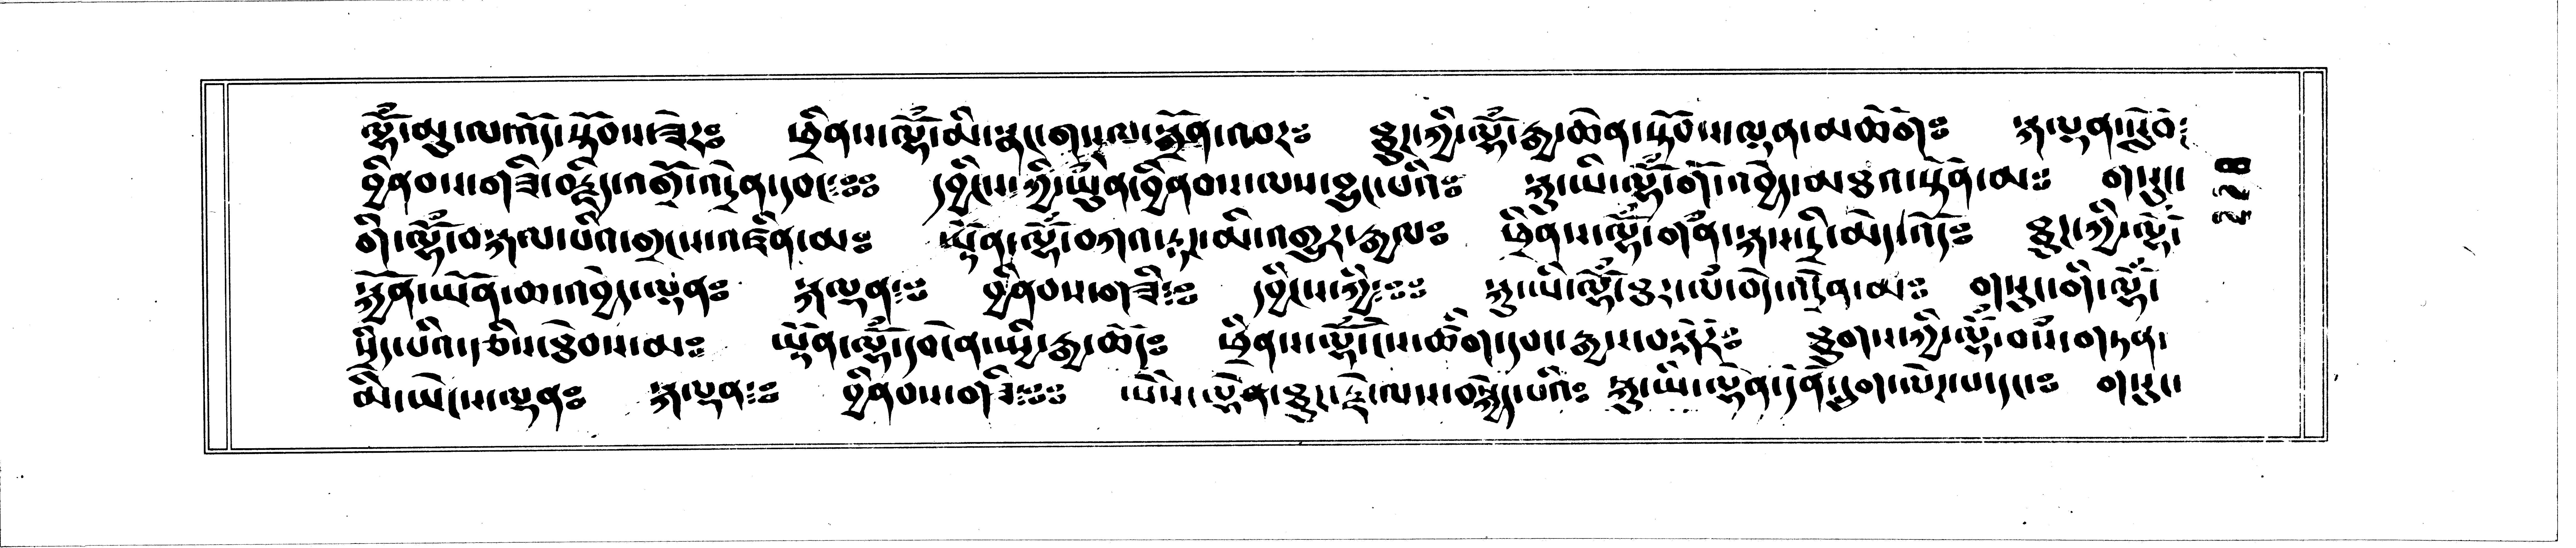ལྷ་མོ་མུ་ལ་འོད་སྟོབས་ཟེརཿ ཕྲིན་ལས་ཀྱི་ལྷ་མོ་མི་སྣང་གསལ་སྒྲོན་འབརཿ ཐུགས་ཀྱི་ལྷ་མོ་རྒྱ་ཆད་སྟོབས་ལྡན་མཆོགཿ སྐལ་ལྡན་སློབ་མ་རྣམས་ལ་དབང་བསྐུར་བསཿ 
བྱིན་རླབས་གཟི་བརྗིད་འགྲོ་འདྲེན་དབང་ཐོབ་ཤོགཿ དབྱིངས་ཀྱི་ཡུམ་ཆེན་བྱིན་རླབས་ལས་བྱུང་བའིཿ སྐུ་ཡི་ལྷ་མོ་གོ་འབྱེད་མཐའ་སྟོན་མཿ གསུང་
གི་ལྷ་མོ་བསྐལ་པའི་གྲངས་འཛིན་མཿ ཡོན་ཏན་གྱི་ལྷ་མོ་བཀའ་རྟགས་མི་འགྱུར་རྒྱཿ ཕྲིན་ལས་ལྷ་མོ་གནམ་སྐས་དྲི་མེད་འོདཿ ཐུགས་ཀྱི་ལྷ་མོ་
སྐྱོན་ཡོན་ཆར་འབྱེད་ལྡནཿ སྐལ་ལྡན་སློབ་མ་རྣམས་ལ་དབང་བསྐུར་བསཿ བྱིན་རླབས་གཟི་བརྗིད་འགྲོ་འདྲེན་དབང་ཐོབ་ཤོགཿ དབྱིངས་ཀྱི་ཡུམ་ཆེན་བྱིན་རླབས་ལས་བྱུང་བའིཿ སྐུ་ཡི་ལྷ་མོ་ཐར་ལམ་བདེ་འདྲེན་མཿ གསུང་གི་ལྷ་མོ་
སྲིད་པའི་རྩིས་ཐེབས་མཿ ཡོན་ཏན་ལྷ་མོ་དབང་ཆེན་སྤྱི་རྒྱ་གཅོདཿ ཕྲིན་ལས་ལྷ་མོ་ངེས་ཚིག་དབང་རྒྱས་སྐོརཿ ཐུགས་ཀྱི་ལྷ་མོ་བསམ་གཏན་
མི་ཡེངས་ལྡནཿ སྐལ་ལྡན་སློབ་མ་རྣམས་ལ་དབང་བསྐུར་བསཿ བྱིན་རླབས་གཟི་བརྗིད་འགྲོ་འདྲེན་དབང་ཐོབ་ཤོགཿ ཡེ་ཤེས་ལྷ་ཆེན་ཐུགས་རྗེ་ལས་བསྐྱེད་པའིཿ སྐུ་ཡི་ལྷ་ཆེན་དོན་དྲུག་ལེགས་པ་དངཿ གསུང་